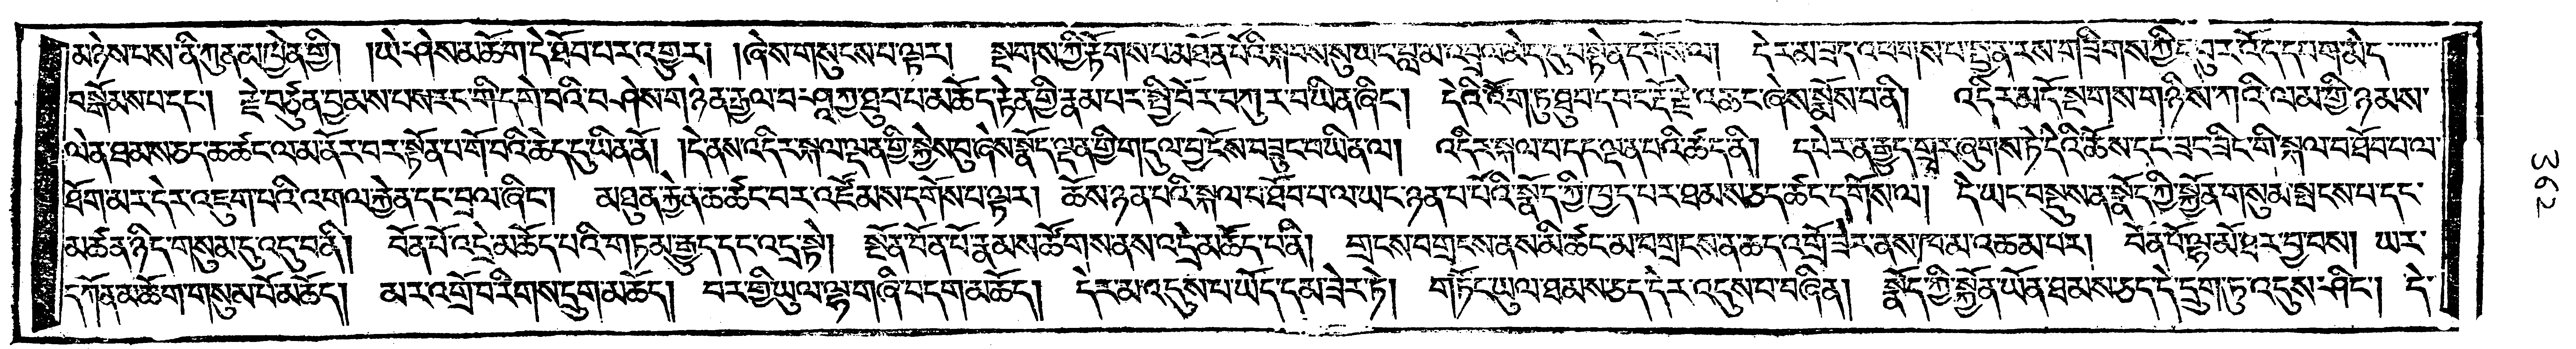མཉེས་པས་ནི་ཀུན་མཁྱེན་གྱི། །ཡེ་ཤེས་མཆོག་དེ་ཐོབ་པར་འགྱུར། །ཞེས་གསུངས་པ་ལྟར། སྔགས་ཀྱི་རྟོགས་པ་མཐོན་པོའི་སྐབས་སུ་ཡང་བླ་མ་འབྲལ་མེད་དུ་བསྟེན་དགོས་ལ། དེར་མ་ཟད་འཕགས་པ་སྤྱན་རས་གཟིགས་ཀྱི་དབུར་འོད་དཔག་མེད་
བསྒོམས་པ་དང་། རྗེ་བཙུན་བྱམས་པས་རང་གི་དགེ་བའི་བཤེས་གཉེན་རྒྱལ་བ་ཤཱཀྱ་ཐུབ་པ་མཆོད་རྟེན་གྱི་རྣམ་པར་སྤྱི་བོར་བཀུར་བ་ཡིན་ཞིང་། དེའི་འོག་ཏུ་ཐུབ་དབང་རྡོ་རྗེ་འཆང་ཞེས་སྨོས་པ་ནི། འདིར་མདོ་སྔགས་གཉིས་ཀའི་ལམ་གྱི་ཉམས་
ལེན་ཐམས་ཅད་ཆ་ཚང་ལམ་ནོར་བར་སྟོན་པ་གོ་བའི་ཆེད་དུ་ཡིན་ནོ། །དེ་ནས་འདིར་སྐལ་ལྡན་གྱི་སྐྱེས་བུ་ཞེས་སྣོད་ལྡན་གྱི་གདུལ་བྱ་ངོས་བཟུང་བ་ཡིན་ལ། འདིར་སྐལ་བ་དང་ལྡན་པའི་ཚད་ནི། དཔེར་ན་རྒྱུད་གྲྭར་ཞུགས་ཏེ་དེའི་ཆོས་དང་ཟང་ཟིང་གི་སྐལ་བ་ཐོབ་པ་ལ་
ཐོག་མར་དེར་འཇུག་པའི་འགལ་རྐྱེན་དང་བྲལ་ཞིང་། མཐུན་རྐྱེན་ཆ་ཚང་བར་འཛོམས་དགོས་པ་ལྟར། ཆོས་ཉན་པའི་སྐལ་བ་ཐོབ་པ་ལ་ཡང་ཉན་པ་པོའི་སྣོད་ཀྱི་ཁྱད་པར་ཐམས་ཅད་ཚང་དགོས་ལ། དེ་ཡང་བསྡུས་ན་སྣོད་ཀྱི་སྐྱོན་གསུམ་སྤངས་པ་དང་
མཚན་ཉིད་གསུམ་དུ་འདུ་པ་ནི། བོན་པོ་འདྲེ་མཆོད་པའི་གཏམ་རྒྱུད་དང་འདྲ་སྟེ། སྔོན་བོན་པོ་རྣམས་ཚོགས་ནས་འདྲེ་མཆོད་པ་ནི། གྲངས་བགྲངས་ནས་མི་ཚང་མ་བགྲངས་ན་ཆད་འགྲོ་ཟེར་ནས་ཁ་མ་འཆམ་པར། བོན་པོ་ལྷ་མོ་ཐར་བྱ་བས། ཡར་
དཀོན་མཆོག་གསུམ་པོ་མཆོད། མར་འགྲོ་བ་རིགས་དྲུག་མཆོད། བར་གྱི་ཡུལ་ལྷ་གཞི་བདག་མཆོད། དེར་མ་འདུས་བ་ཡོད་དམ་ཟེར་ཏེ། གཏོང་ཡུལ་ཐམས་ཅད་དེར་འདུས་པ་བཞིན། སྣོད་ཀྱི་སྐྱོན་ཡོན་ཐམས་ཅད་དེ་དྲུག་ཏུ་འདུས་ཤིང་། དེ་